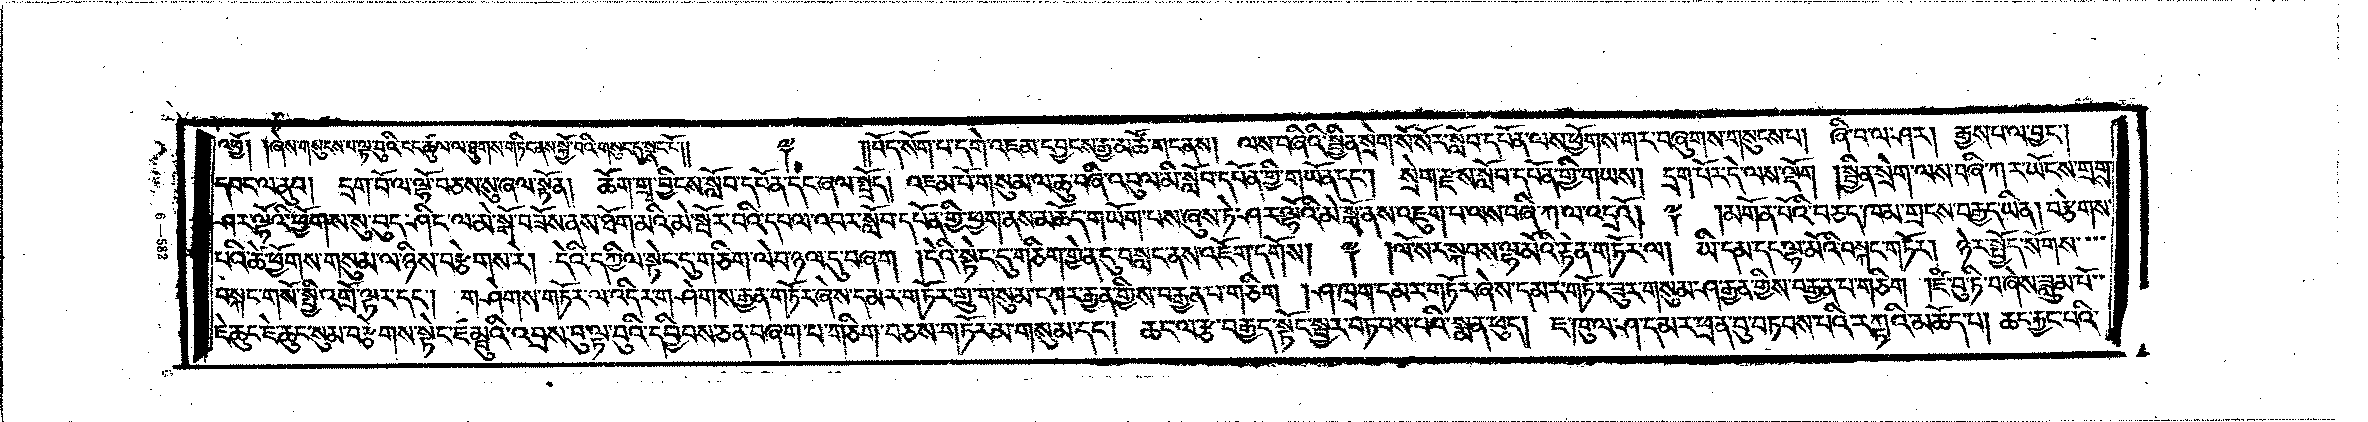འྐྱོ?། །ཞེས་གསུངས་པ་ལྟ་བུའི་ངང་ཚུལ་ལ་ཐུགས་གཏིང་ནས་སྐྱོ་བའི་གསུང་དུ་སྣང་ངོ།། ༈ །།བོད་སོག་པ་དགེ་འཇམ་དབྱངས་རྒྱ་མཚོ་གང་ནས། ལས་བཞིའི་སྦྱིན་སྲེག་སོ་སོར་སློབ་དཔོན་ལས་ཕྱོགས་གར་བཞུགས་གསུངས་པ། ཞི་བ་ལ་ཤར། རྒྱས་པ་ལ་བྱང་།
དབང་ལ་ནུབ། དྲག་བོ་ལ་ལྷོ་བཅས་སུ་ཞལ་སྟོན། ཆོག་གྲྭ་བྱིངས་སློབ་དཔོན་དང་ཞལ་སྤྲོད། འཇམ་པོ་གསུམ་ལ་ཆུ་བཞི་འབུལ་མི་སློབ་དཔོན་གྱི་གཡོན་དང་། སྲེག་རྫས་སློབ་དཔོན་གྱི་གཡས། དྲག་པོར་དེ་ལས་ལྡོག །སྦྱིན་སྲེག་ལས་བཞི་ཀར་ཡོངས་གྲགས་
ཤར་ལྷོའི་ཕྱོགས་སུ་བུད་ཤིང་ལ་མེ་སྒོ་བཟོས་ནས་ཐོག་མའི་མེ་སྦོར་བའི་དཔལ་འབར་སློབ་དཔོན་གྱི་ཕྱག་ནས་མཆོད་གཡོག་པས་ཞུས་ཏེ་ཤར་ལྷོའི་མེ་སྒོ་ནས་འཇུག་པ་ལས་བཞི་ཀ་ལ་འདྲའོ། ༈ །མགོན་པོའི་བཅད་ཁམ་གྲངས་བརྒྱད་ཡིན། བརྩེགས་
པའི་ཚེ་ཕྱོགས་གསུམ་ལ་ཉིས་བརྩེགས་རེ། དེའི་དཀྱིལ་སྟེང་དུ་གཅིག་ལེབ་ཉལ་དུ་བཞག །དེའི་སྟེང་དུ་གཅིག་གྱེན་དུ་བསླང་ནས་འཇོག་དགོས། ༈ །ལོ་སར་སྐབས་ལྷ་མོའི་རྟེན་གཏོར་ལ། ཡི་དམ་དང་ལྷ་མོའི་བསྐང་གཏོང་། ཉེར་སྤྱོད་སོགས་
བསྐང་གསོ་སྤྱི་འགྲོ་ལྟར་དང་། གཤེགས་གཏོར་ལ་འདིར་གཤེགས་རྒྱན་གཏོར་ཞེས་དམར་གཏོར་གྲུ་གསུམ་དཀར་རྒྱན་གྱིས་བརྒྱན་པ་གཅིག །ཤ་ཁྲག་དམར་གཏོར་ཞེས་དམར་གཏོར་ཟུར་གསུམ་ཤ་རྒྱན་གྱིས་བརྒྱན་པ་གཅིག །རྫི་བུ་ཏི་བ་ཞེས་ཟླུམ་པོ་
ཇེ་ཆུང་ཇེ་ཆུང་སུམ་བརྩེགས་སྟེང་ཛམ་བུའི་འབྲས་བུ་ལྟ་བུའི་དབྱིབས་ཅན་བཞག་པ་གཅིག་བཅས་གཏོར་མ་གསུམ་དང་། ཆང་ལ་རྩ་བརྒྱད་སྟོང་སྦྱར་བཏབས་པའི་སྨན་ཕུད། ཇ་ཁུ་ལ་ཤ་དམར་ཕྲན་བུ་བཏབས་པའི་རཀྟའི་མཆོད་པ། ཆང་རྐྱང་པའི་